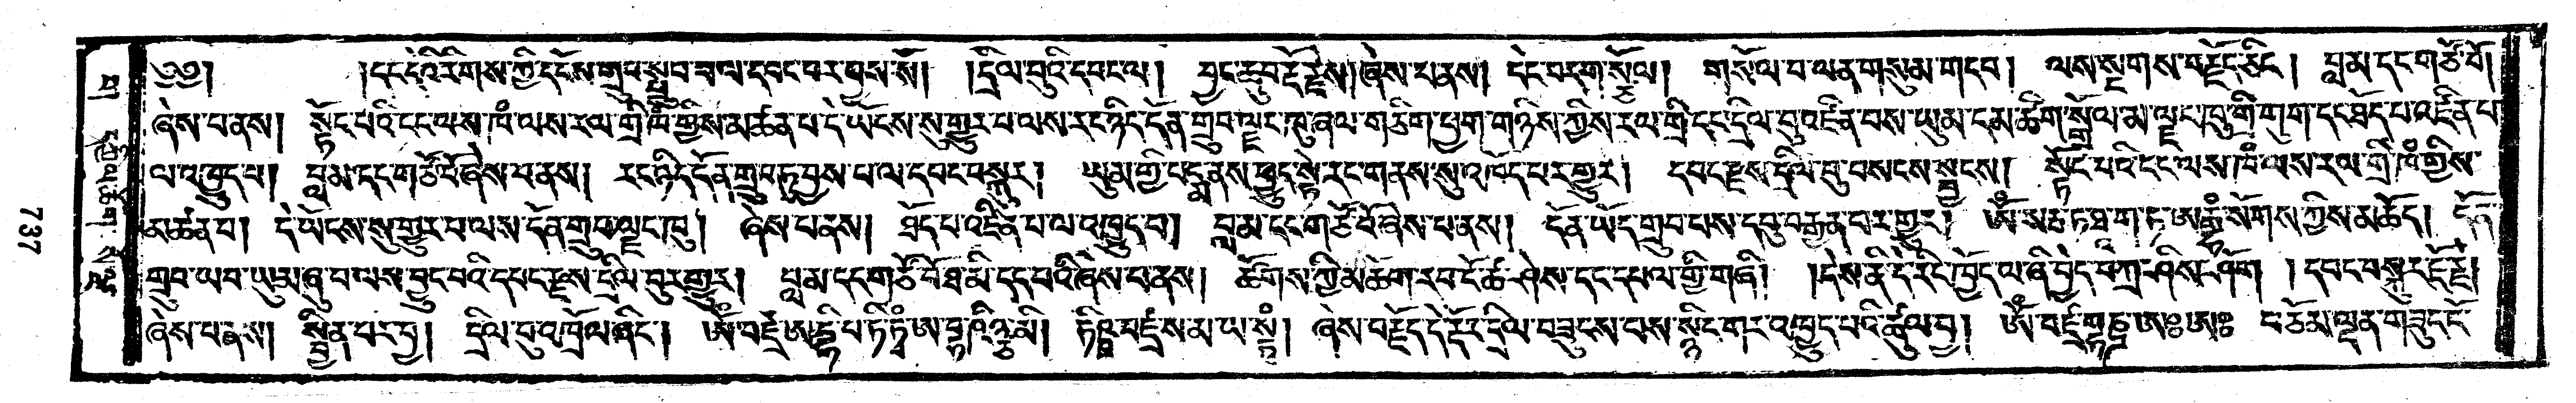༄༅། །དང་དེའི་རིགས་ཀྱི་དངོས་གྲུབ་སྤྲུབ་བ་ལ་དབང་བར་བྱས་སོ། །དྲིལ་བུའི་དབང་ལ། བྱང་ཆུབ་རྡོ་རྗེས། ཞེས་པ་ནས། དེང་བདག་སྩོལ། གསོལ་བ་ལན་གསུམ་གདབ། ལས་སྔགས་བརྗོད་ཅིང་། བླ་མ་དང་གཙོ་བོ།
ཞེས་པ་ནས། སྟོང་པའི་ངང་ལས་ཁཾ་ལས་རལ་གྲི་ཁཾ་གྱིས་མཚན་པ་དེ་ཡོངས་སུ་གྱུར་པ་ལས་རང་ཉིད་དོན་གྲུབ་ལྗང་ཁུ་ཞལ་གཅིག་ཕྱག་གཉིས་ཀྱིས་རལ་གྲི་དང་དྲིལ་བུ་འཛིན་བས་ཡུམ་དམ་ཚིག་སྒྲོལ་མ་ལྗང་ཁུ་གྲི་གུག་དང་ཐོད་པ་འཛིན་པ་
ལ་འཁྱུད་པ། བླ་མ་དང་གཙོ་བོ་ཞེས་བ་ནས། རང་ཉིད་དོན་གྲུབ་ཏུ་བྱས་པ་ལ་དབང་བསྐུར། ཡུམ་གྱི་པདམ་ནས་ཕྱུད་སྟེ་རང་གནས་སུ་འཁོད་པར་གྱུར། དབང་རྫས་དྲིལ་བུ་བསངས་སྦྱངས། སྟོང་པའི་ངང་ལས་ཁཾ་ལས་རལ་གྲི་ཁཾ་གྱིས་
མཚན་པ། དེ་ཡོངས་སུ་གྱུར་པ་ལས་དོན་གྲུབ་ལྗང་ཁུ། ཞེས་པ་ནས། ཐོད་པ་འཛིན་པ་ལ་འཁྱུད་པ། བླ་མ་དང་གཙོ་བོ་ཞེས་པ་ནས། དོན་ཡོད་གྲུབ་པས་དབུ་བརྒྱན་པར་གྱུར། ཨོཾ་སརྦ་ཏ་ཐཱ་ག་ཏ་ཨརྒྷཾ་སོགས་ཀྱིས་མཆོད། དོན་
གྲུབ་ཡབ་ཡུམ་ཞུ་བ་ལས་བྱུང་བའི་དཔང་རྫས་དྲིལ་བུར་གྱུར། བླ་མ་དང་གཙོ་བོ་ཐ་མི་དད་པའི་ཞེས་པ་ནས། ཚོགས་ཀྱི་མཆོག་རབ་ངོ་ཚ་ཤེས་དང་དཔལ་གྱི་གཞི། །དེས་ནི་དེ་རིང་ཁྱོད་ལ་ཞི་བྱེད་བཀྲ་ཤིས་ཤོག །དབང་བསྐུར་རྡོ་རྗེ།
ཞེས་པ་ནས། སྦྱིན་པར་བྱ། དྲིལ་བུ་འཁྲོལ་ཞིང་། ཨོཾ་བཛྲ་ཨ་དྷི་པ་ཏི་ཏྭཾ་ཨ་བྷ་ཥིཉྩ་མི། ཏིཥཊཿཨ་བཛྲ་ས་མ་ཡ་སྟྭཾ། ཞེས་བརྗོད་དེ་རྡོར་དྲིལ་བཟུངས་པས་སྙིང་གར་འཁྱུད་པའི་ཚུལ་བྱ། ཨོཾ་བཛྲ་གྷཎྜ་ཨཿཨཿ བཅོམ་ལྡན་གཟུང་ངོ་